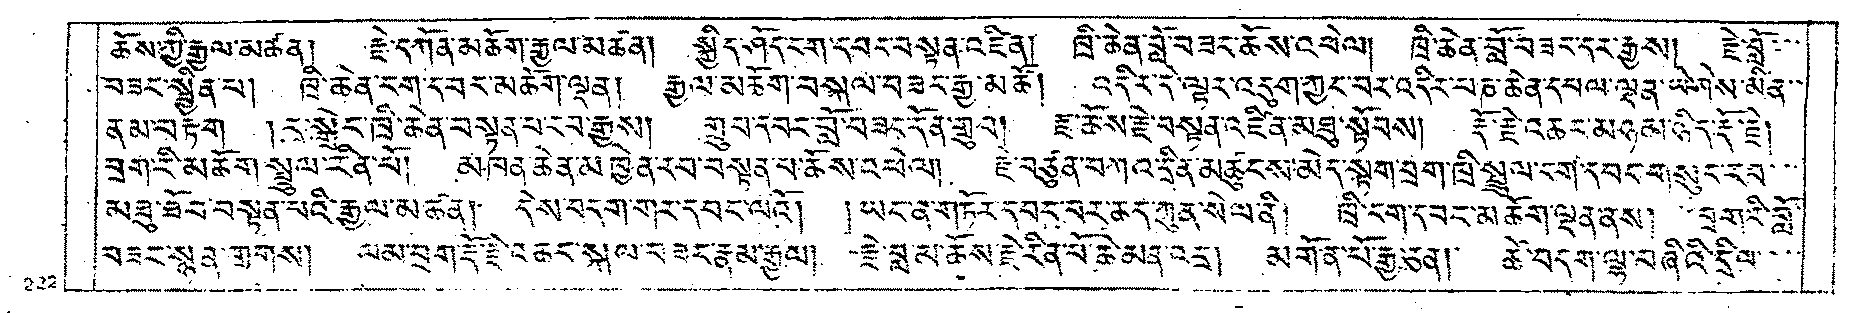ཆོས་ཀྱི་རྒྱལ་མཚན། རྗེ་དཀོན་མཆོག་རྒྱལ་མཚན། སྐྱིད་ཤོད་ངག་དབང་བསྟན་འཛིན། ཁྲི་ཆེན་བློ་བཟང་ཆོས་འཕེལ། ཁྲི་ཆེན་བློ་བཟང་དར་རྒྱས། རྗེ་བློ་
བཟང་སྦྱིན་པ། ཁྲི་ཆེན་ངག་དབང་མཆོག་ལྡན། རྒྱལ་མཆོག་བསྐལ་བཟང་རྒྱ་མཚོ། འདིར་དེ་ལྟར་འདུག་ཀྱང་བར་འདིར་པཎ་ཆེན་དཔལ་ལྡན་ཡེ་ཤེས་མིན་
ནམ་བརྟག །རྭ་སྒྲེང་ཁྲི་ཆེན་བསྟན་པ་རབ་རྒྱས། གྲུབ་དབང་བློ་བཟང་དོན་གྲུབ། རྫ་ཆོས་རྗེ་བསྟན་འཛིན་མཐུ་སྟོབས། རྡོ་རྗེ་འཆང་མཉམ་ཉིད་རྡོ་རྗེ།
བྲག་རི་མཆོག་སྤྲུལ་རིན་པོ། མཁན་ཆེན་མཁྱེན་རབ་བསྟན་པ་ཆོས་འཕེལ། རྗེ་བཙུན་བཀའ་དྲིན་མཚུངས་མེད་སྟག་བྲག་ཁྲི་སྤྲུལ་ངག་དབང་གསུང་རབ་
མཐུ་ཐོབ་བསྟན་པའི་རྒྱལ་མཚན། དེས་བདག་གར་དབང་ལའོ། །ཡང་ན་གཏོར་དབང་བར་ཆད་ཀུན་སེལ་ནི། ཁྲི་ངག་དབང་མཆོག་ལྡན་ནས། བྲག་རི་བློ་
བཟང་སྙན་གྲགས། ལམ་བྲག་རྡོ་རྗེ་འཆང་སྐལ་བཟང་རྣམ་རྒྱལ། རྗེ་བླ་མ་ཆོས་རྗེ་རིན་པོ་ཆེ་མན་འདྲ། མགོན་པོ་རྒྱ་ཅན། ཚེ་བདག་ལྷ་བཞིའི་དྲིལ་